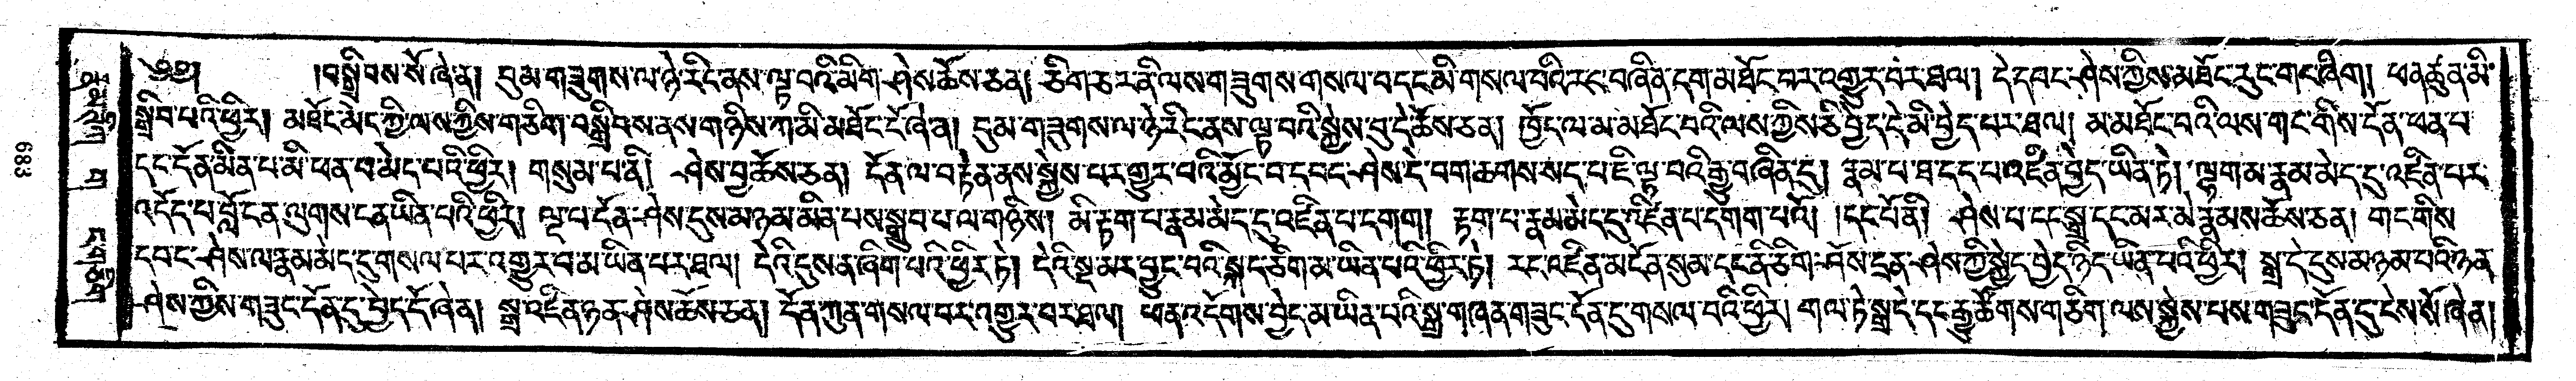༄༅། །བསྒྲིབས་སོ་ཞེ་ན། བུམ་གཟུགས་ལ་ཉེ་རིང་ནས་ལྟ་བའི་མིག་ཤེས་ཆོས་ཅན། ཅིག་ཅར་ནི་ལས་གཟུགས་གསལ་བ་དང་མི་གསལ་བའི་རང་བཞིན་དག་མཐོང་བར་འགྱུར་བར་ཐལ། དེ་དབང་ཤེས་ཀྱིས་མཐོང་རུང་གང་ཞིག། ཕན་ཚུན་མི་
སྒྲིབ་པའི་ཕྱིར། མཐོང་མེད་ཀྱི་ལས་ཀྱིས་གཅིག་བསྒྲིབས་ནས་གཉིས་ཀ་མི་མཐོང་ངོ་ཞེ་ན། བུམ་གཟུགས་ལ་ཉེ་རིང་ནས་ལྟ་བའི་སྐྱེས་བུ་དེ་ཆོས་ཅན། ཁྱོད་ལ་མ་མཐོང་བའི་ལས་ཀྱིས་ཅི་བྱེད་དེ་མི་བྱེད་པར་ཐལ། མ་མཐོང་བའི་ལས་གང་གིས་དོན་ཕན་པ་
དང་དོན་མིན་པ་མི་ཕན་བ་མེད་པའི་ཕྱིར། གསུམ་པ་ནི། ཤེས་བྱ་ཆོས་ཅན། དོན་ལ་བརྟེན་ནས་སྐྱེས་པར་གྱུར་པའི་མྱོང་བ་དབང་ཤེས་དེ་བག་ཆགས་སད་པ་ཇི་ལྟ་བའི་རྒྱུ་བཞིན་དུ། རྣམ་པ་ཐ་དད་པ་འཛིན་བྱེད་ཡིན་ཏེ། ལྷག་མ་རྣམ་མེད་དུ་འཛིན་པར་
འདོད་པ་བློ་ངན་ལུགས་ངན་ཡིན་པའི་ཕྱིར། ལྔ་པ་དོན་ཤེས་དུས་མཉམ་མིན་པས་སྒྲུབ་པ་ལ་གཉིས། མི་རྟག་པ་རྣམ་མེད་དུ་འཛིན་པ་དགག། རྟག་པ་རྣམ་མེད་དུ་འཛིན་པ་དགག་པའོ། །དང་པོ་ནི། ཤེས་པ་དང་སྒྲ་དང་མར་མེ་རྣམས་ཆོས་ཅན། གང་གིས་
དབང་ཤེས་ལ་རྣམ་མེད་དུ་གསལ་བར་འགྱུར་བ་མ་ཡིན་པར་ཐལ། དེའི་དུས་ན་ཞིག་པའི་ཕྱིར་ཏེ། དེའི་སྔ་མར་བྱུང་བའི་སྐད་ཅིག་མ་ཡིན་པའི་ཕྱིར་ཏེ། རང་འཛིན་མངོན་སུམ་དང་ནི་ཅིག་ཤོས་དྲན་ཤེས་ཀྱི་སྐྱེད་བྱེད་ཉིད་ཡིན་པའི་ཕྱིར། སྒྲ་དེ་དུས་མཉམ་པའི་ཉན་
ཤེས་ཀྱིས་གཟུང་དོན་དུ་བྱེད་དོ་ཞེ་ན། སྒྲ་འཛིན་ཉན་ཤེས་ཆོས་ཅན། དོན་ཀུན་གསལ་བར་འགྱུར་བར་ཐལ། ཕན་འདོགས་བྱེད་མ་ཡིན་པའི་སྒྲ་གཞན་གཟུང་དོན་དུ་གསལ་བའི་ཕྱིར། གལ་ཏེ་སྒྲ་དེ་དང་རྒྱུ་ཚོགས་གཅིག་ལས་སྐྱེས་པས་གཟུང་དོན་དུ་ངེས་སོ་ཞེ་ན།